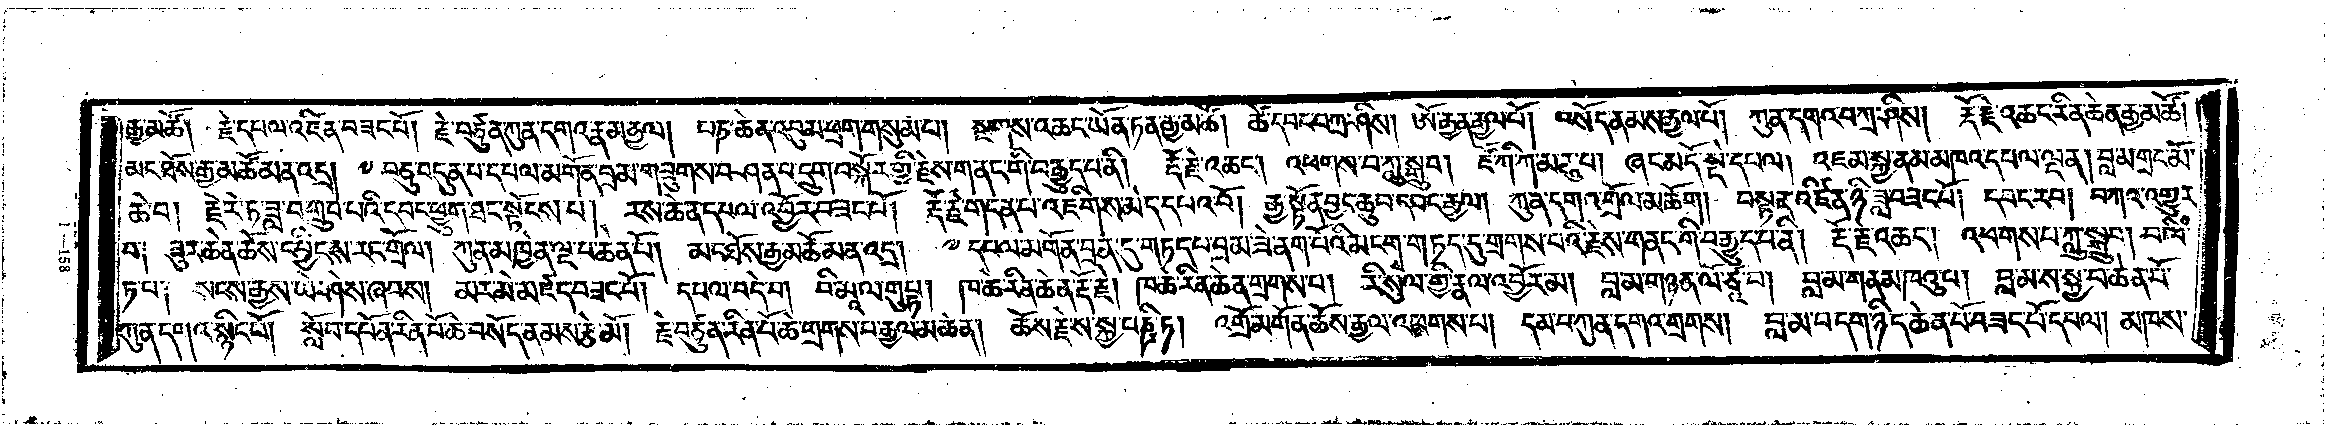རྒྱ་མཚོ། རྗེ་དཔལ་འཛིན་བཟང་པོ། རྗེ་བཙུན་ཀུན་དགའ་རྣམ་རྒྱལ། པཎ་ཆེན་འབུམ་ཕྲག་གསུམ་པ། སྔགས་འཆང་ཡོན་ཏན་རྒྱ་མཚོ། ཚེ་དབང་བཀྲ་ཤིས། ཨོ་རྒྱན་རྒྱལ་པོ། བསོད་ནམས་རྒྱལ་པོ། ཀུན་དགའ་བཀྲ་ཤིས། རྡོ་རྗེ་འཆང་རིན་ཆེན་རྒྱ་མཚོ།
མང་ཐོས་རྒྱ་མཚོ་མན་འདྲ། ༧བཅུ་བདུན་པ་དཔལ་མགོན་བྲམ་གཟུགས་བཤན་བ་དྲུག་བསྐོར་གྱི་རྗེས་གནང་གི་བརྒྱུད་པ་ནི། རྡོ་རྗེ་འཆང་། འཕགས་པ་ཀླུ་སྒྲུབ། ཇཽ་ཀི་ཀ་མཌཱུ་པ། ཞང་མདོ་སྡེ་དཔལ། འཇམ་སྐྱ་ནམ་མཁའ་དཔལ་ལྡན། བླ་མ་གྲང་མོ་
ཆེ་བ། རྗེ་རེ་ཏ་ཟླ་བ་གྲུབ་པའི་དབང་ཕྱུག་ཐང་སྟོངས་པ། རས་ཆེན་དཔལ་འབྱོར་བཟང་པོ། རྡོ་རྗེ་གདན་པ་འཇིགས་མེད་དཔའ་བོ། རྒྱ་སྟོན་བྱང་ཆུབ་དབང་རྒྱལ། ཀུན་དགའ་གྲོལ་མཆོག །བསྟན་འཛིན་ཉི་ཟླ་བཟང་པོ། དབང་རབ། བཀའ་འགྱུར་
བ༑ ཟུར་ཆེན་ཆོས་དབྱིངས་རང་གྲོལ། ཀུན་མཁྱེན་ལྔ་པ་ཆེན་པོ། མང་ཐོས་རྒྱ་མཚོ་མན་འདྲ། ༧དཔལ་མགོན་བྲན་དུ་གཏད་པ་བྲམ་ཟེ་ནག་པོའི་མ་ངགས་གཏད་དུ་གྲགས་པའི་རྗེས་གནང་གི་བརྒྱུད་པ་ནི། རྡོ་རྗེ་འཆང་། འཕགས་པ་ཀླུ་སྒྲུབ། བ་ལིཾ་
ཏ་པ༑ སངས་རྒྱས་ཡེ་ཤེས་ཞབས། མར་མེ་མཛད་བཟང་པོ། དཔལ་བདེ་བ། བི་མཱ་ལ་གུཔྟ། ཁ་ཆེ་རིན་ཆེན་རྡོ་རྗེ། ཁ་ཆེ་རིན་ཆེན་གྲགས་པ། རི་སུལ་གྱི་རྣལ་འབྱོར་མ། བླ་མ་གཉན་ལོ་ཙཱ་བ། བླ་མ་གནམ་ཁཱུ་པ། བླ་མ་ས་སྐྱ་བ་ཆེན་པོ་
ཀུན་དགའ་སྙིང་པོ། སློབ་དཔོན་རིན་པོ་ཆེ་བསོད་ནམས་རྩེ་མོ། རྗེ་བཙུན་རིན་པོ་ཆེ་གྲགས་པ་རྒྱལ་མཚན། ཆོས་རྗེ་ས་སྐྱ་པཎྜི་ཏ། འགྲོ་མགོན་ཆོས་རྒྱལ་འཕགས་པ། དམ་བ་ཀུན་དགའ་གྲགས། བླ་མ་བདག་ཉིད་ཆེན་པོ་བཟང་པོ་དཔལ། མཁས་